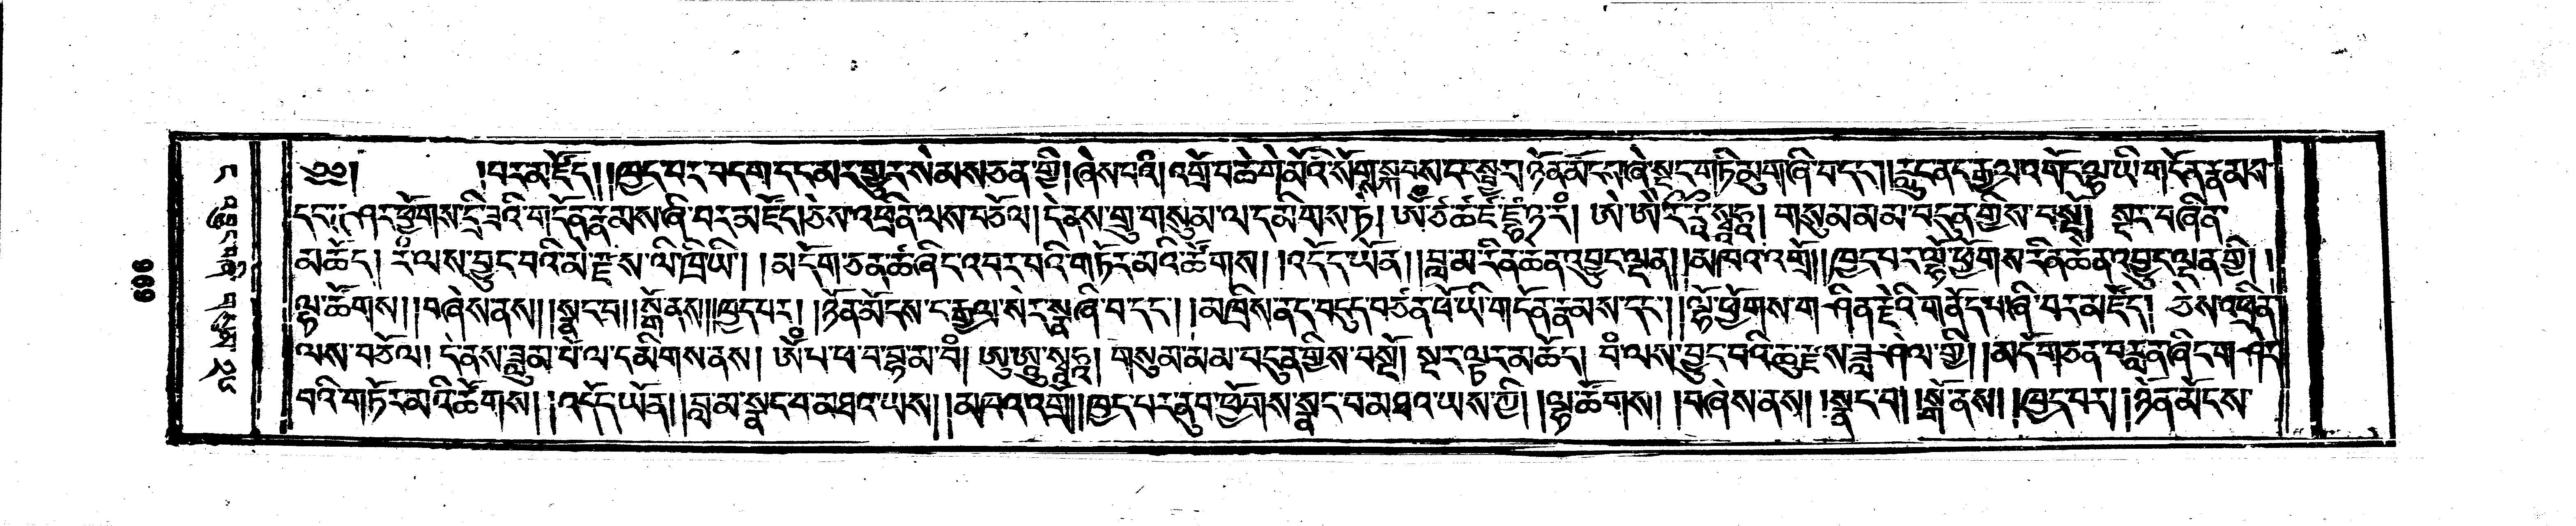༄༅། །པར་མཛོད། །ཁྱད་པར་བདག་དང་མར་གྱུར་སེམས་ཅན་གྱི། ཞེས་པའི། འགྲོ་བ་ཆེ་གེ་མོའི་སོགས་སྐབས་དང་སྦྱར། ཉོན་མོངས་ཞེ་སྡང་གཏི་མུག་ཞི་བ་དང་། །རླུང་ནང་རྒྱལ་འགོང་ལྷ་ཡི་གདོན་རྣམས་
དང་། །ཤར་ཕྱོགས་དྲི་ཟའི་གདོན་རྣམས་ཞི་བར་མཛོད། ཅེས་འཕྲིན་ལས་བཅོལ། དེ་ནས་གྲུ་གསུམ་ལ་དམིགས་ཏེ། ཨོཾ་ཙ་ཚ་ཛ་ཛྷ་ཉ་རཾ། ཨེ་ཨཻ་རཾ་རཱྀ་སྭཱ་ཧཱ། གསུམ་མམ་བདུན་གྱིས་བསྔོ། སྔར་བཞིན་
མཆོད། རཾ་ལས་བྱུང་བའི་མེ་རྫས་ལི་ཁྲི་ཡི། །མདོག་ཅན་ཚ་ཞིང་འབར་བའི་གཏོར་མའི་ཚོགས། །འདོད་ཡོན། །བླ་མ་རིན་ཆེན་འབྱུང་ལྡན། །མཁའ་འགྲོ། །ཁྱད་པར་ལྷོ་ཕྱོགས་རིན་ཆེན་འབྱུང་ལྡན་གྱི། །
ལྷ་ཚོགས། །བཞེས་ནས། །སྣང་བ། །སྒོ་ནས། །ཁྱད་པར། །ཉོན་མོངས་ང་རྒྱལ་སེར་སྣ་ཞི་བ་དང་། །མཁྲིས་ནད་བདུད་བཙན་ཕོ་ཡི་གདོན་རྣམས་དང་། །ལྷོ་ཕྱོགས་གཤིན་རྗེའི་གནོད་པ་ཞི་བར་མཛོད། ཅེས་འཕྲིན་
ལས་བཅོལ། དེ་ནས་ཟླུམ་པོ་ལ་དམིགས་ནས། ཨོཾ་པ་ཕ་བ་བྷ་མ་བཾ། ཨུ་ཨཱུ་སྭཱ་ཧཱ། གསུམ་མམ་བདུན་གྱིས་བསྔོ། སྔར་ལྟར་མཆོད། བཾ་ལས་བྱུང་བའི་ཆུ་རྫས་ཟླ་ཤེལ་གྱི། །མདོག་ཅན་བརླན་ཞིང་གཤེར་
བའི་གཏོར་མའི་ཚོགས། །འདོད་ཡོན། །བླ་མ་སྣང་བ་མཐའ་ཡས། །མཁའ་འགྲོ། །ཁྱད་པར་ནུབ་ཕྱོགས་སྣང་བ་མཐའ་ཡས་ཀྱི། །ལྷ་ཚོགས། །བཞེས་ནས། །སྣང་བ། །སྒོ་ནས། །ཁྱད་པར། །ཉོན་མོངས་